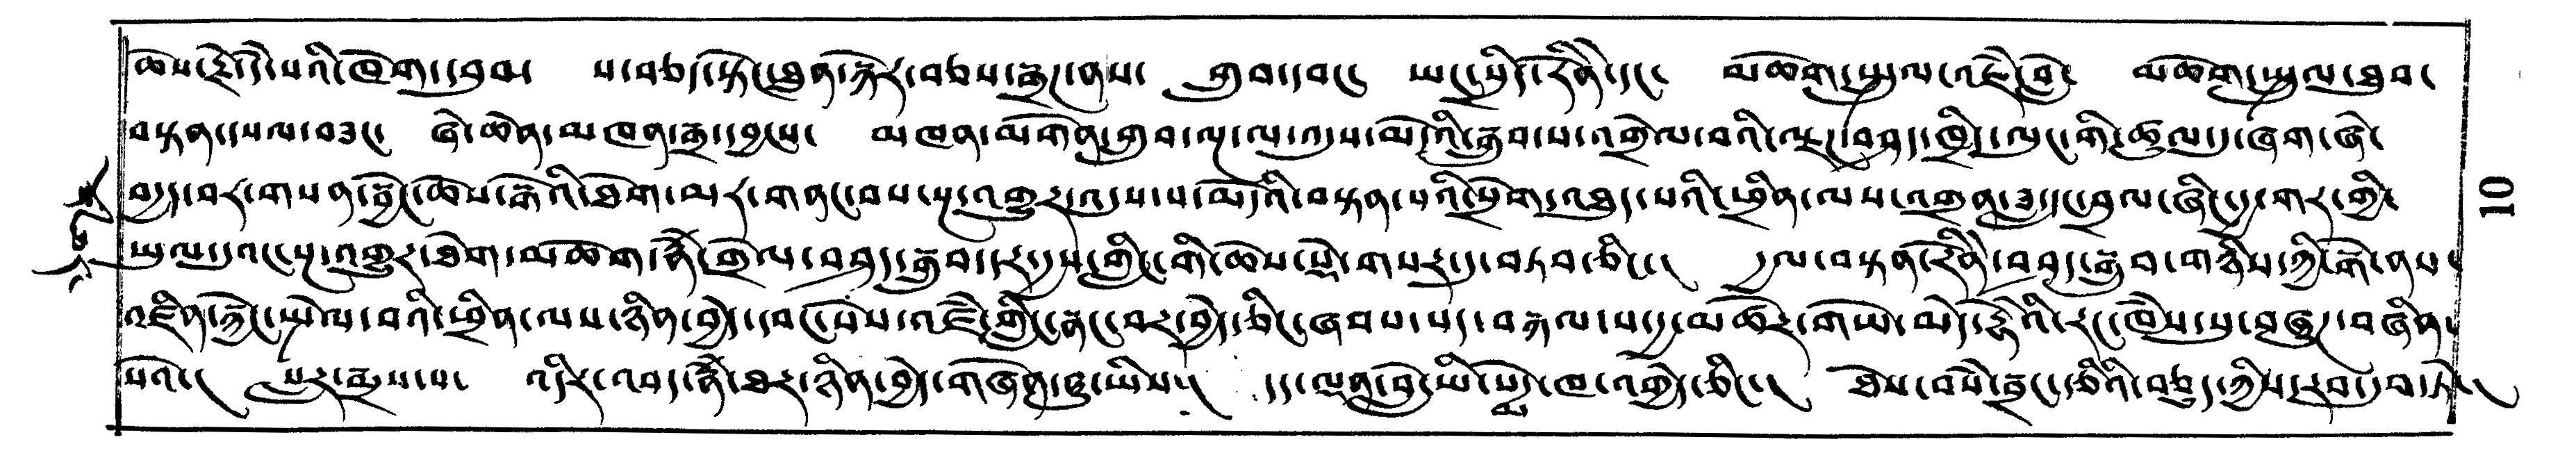ཆོས་རྗེ་དམ་པའི་ཁོག་དབུབ། ས་བཅད་སྟོང་ཐུན་སྐོར་བཅས་སྦྲགས་ནས། གྲུབ་དབང་ཡང་སྲིད་རིན་པོ་ཆེ་དང་། མཆོག་སྤྲུལ་འཇམ་བློ། མཆོག་སྤྲུལ་ཐུབ་
བསྟན་དཔལ་བཟང་། ཞེ་ཆེན་མཁན་སྒྲ་དབྱངས། མཁན་མགོན་གྲུབ་ལྔ་ལ་འདུས་མདོའི་སྒྲུབ་པ་དང་འགྲེལ་བའི་ལྗགས་བཤད་ཁྲིད་ལུང་གི་ཚུལ་དུ་ཞག་ཞེ་
བརྒྱད་བར་གསན་སྦྱངས་ཆོས་སྒོའི་ཐོག་མར་གནང་བས་སྔ་འགྱུར་འདུས་པ་མདོའི་བསྟན་པའི་སྲོག་འཐུད་པའི་ཕྲིན་ལས་འགྲན་ཟླ་དང་བྲལ་བར་གྱུར། རྒྱ་གར་གྱི་
ཡུལ་དུ་སྔ་འགྱུར་ཐེག་མཆོག་རྣམ་གྲོལ་བཤད་སྒྲུབ་དར་རྒྱས་གླིང་གི་ཆོས་སྡེ་གསར་དུ་བཏབ་ཅིང་། རྒྱལ་བསྟན་རིན་པོ་ཆེ་བཤད་སྒྲུབ་གཉིས་ཀྱིས་སྒོ་ནས་
འཛིན་སྐྱོང་སྤེལ་བའི་ཕྲིན་ལས་ཉིན་བྱེད་དབང་པོས་འཛམ་གླིང་སྣང་བར་བྱེད་ཅིང་ཞབས་པད་བསྐལ་པ་རྒྱ་མཚོར་གཡོ་མེད་རྡོ་རྗེའི་རང་ཁམས་སུ་བཞུགས་བཞིན་
པའོ།སླར་སྨྲས་པ། འདིར་འབད་རྣམ་ཐར་ཉིན་བྱེད་གཞོན་ནུ་ཡིས། །དད་ལྡན་བློ་ཡི་པདྨོ་ཁ་འབྱེད་ཅིང་། །ཐོས་བསམ་སྦྲང་རྩིའི་བཅུད་ཀྱིས་རབ་དུབ་ཏེ།